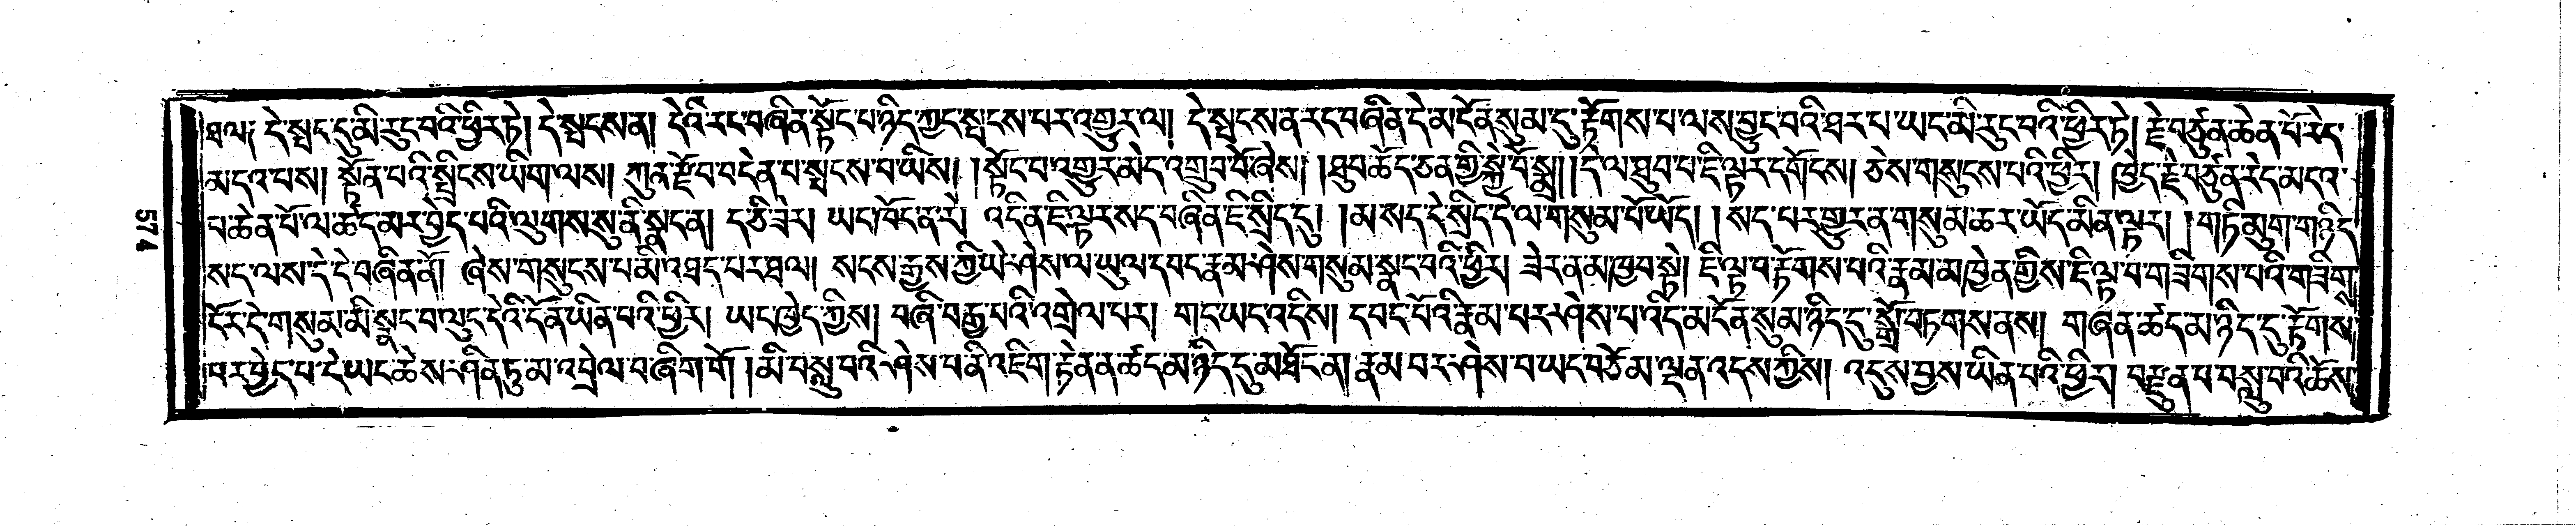ཐལ༑ དེ་སྤང་དུ་མི་རུང་བའི་ཕྱིར་ཏེ། དེ་སྤངས་ན། དེའི་རང་བཞིན་སྟོང་པ་ཉིད་ཀྱང་སྤངས་པར་འགྱུར་ལ། དེ་སྤངས་ན་རང་བཞིན་དེ་མངོན་སུམ་དུ་རྟོགས་པ་ལས་བྱུང་བའི་ཐར་པ་ཡང་མི་རུང་བའི་ཕྱིར་ཏེ། རྗེ་བཙུན་ཆེན་པོ་རེད་
མདའ་བས། སྟོན་པའི་སྤྲིངས་ཡིག་ལས། ཀུན་རྫོབ་བདེན་པ་སྤངས་པ་ཡིས། །སྟོང་པ་འགྱུར་མེད་འགྲུབ་བོ་ཞེས། །ཐུབ་ཆོད་ཅན་གྱི་སྐྱེ་བོ་སྨྲ། །དེ་ལ་ཐུབ་པ་ཇི་ལྟར་དགོངས། ཅེས་གསུངས་པའི་ཕྱིར། ཁྱེད་རྗེ་བཙུན་རེད་མདའ་
བ་ཆེན་པོ་ལ་ཚད་མར་བྱེད་པའི་ལུགས་སུ་ནི་སྣང་ན། ད་ཅི་ཟེར། ཡང་ཁོང་ན་རེ། འདི་ན་ཇི་ལྟར་སད་བཞིན་ཇི་སྲིད་དུ། །མ་སད་དེ་སྲིད་དེ་ལ་གསུམ་པོ་ཡོད། །སད་པར་གྱུར་ན་གསུམ་ཆར་ཡོད་མིན་ལྟར། །གཏི་མུག་གཉིད་
སད་ལས་དེ་དེ་བཞིན་ནོ། །ཞེས་གསུངས་པ་མི་འཐད་པར་ཐལ། སངས་རྒྱས་ཀྱི་ཡེ་ཤེས་ལ་ཡུལ་དབང་རྣམ་ཤེས་གསུམ་སྣང་བའི་ཕྱིར། ཟེར་ན་མ་ཁྱབ་སྟེ། ཇི་ལྟ་བ་རྟོགས་པའི་རྣམ་མཁྱེན་གྱིས་ཇི་ལྟ་བ་གཟིགས་པའི་གཟིགས་
ངོར་དེ་གསུམ་མི་སྣང་བ་ལུང་དེའི་དོན་ཡིན་པའི་ཕྱིར། ཡང་ཁྱེད་ཀྱིས། བཞི་བརྒྱ་པའི་འགྲེལ་པར། གང་ཡང་འདིས། དབང་པོའི་རྣམ་པར་ཤེས་པ་འདི་མངོན་སུམ་ཉིད་དུ་སྒྲོ་བཏགས་ནས། གཞན་ཚད་མ་ཉིད་དུ་རྟོགས་
པར་བྱེད་པ་དེ་ཡང་ཆེས་ཤིན་ཏུ་མ་འབྲེལ་བ་ཞིག་གོ །མི་བསླུ་བའི་ཤེས་པ་ནི་འཇིག་རྟེན་ན་ཚད་མ་ཉིད་དུ་མཐོང་ན། རྣམ་པར་ཤེས་པ་ཡང་བཅོམ་ལྡན་འདས་ཀྱིས། འདུས་བྱས་ཡིན་པའི་ཕྱིར། བརྫུན་པ་བསླུ་བའི་ཆོས་